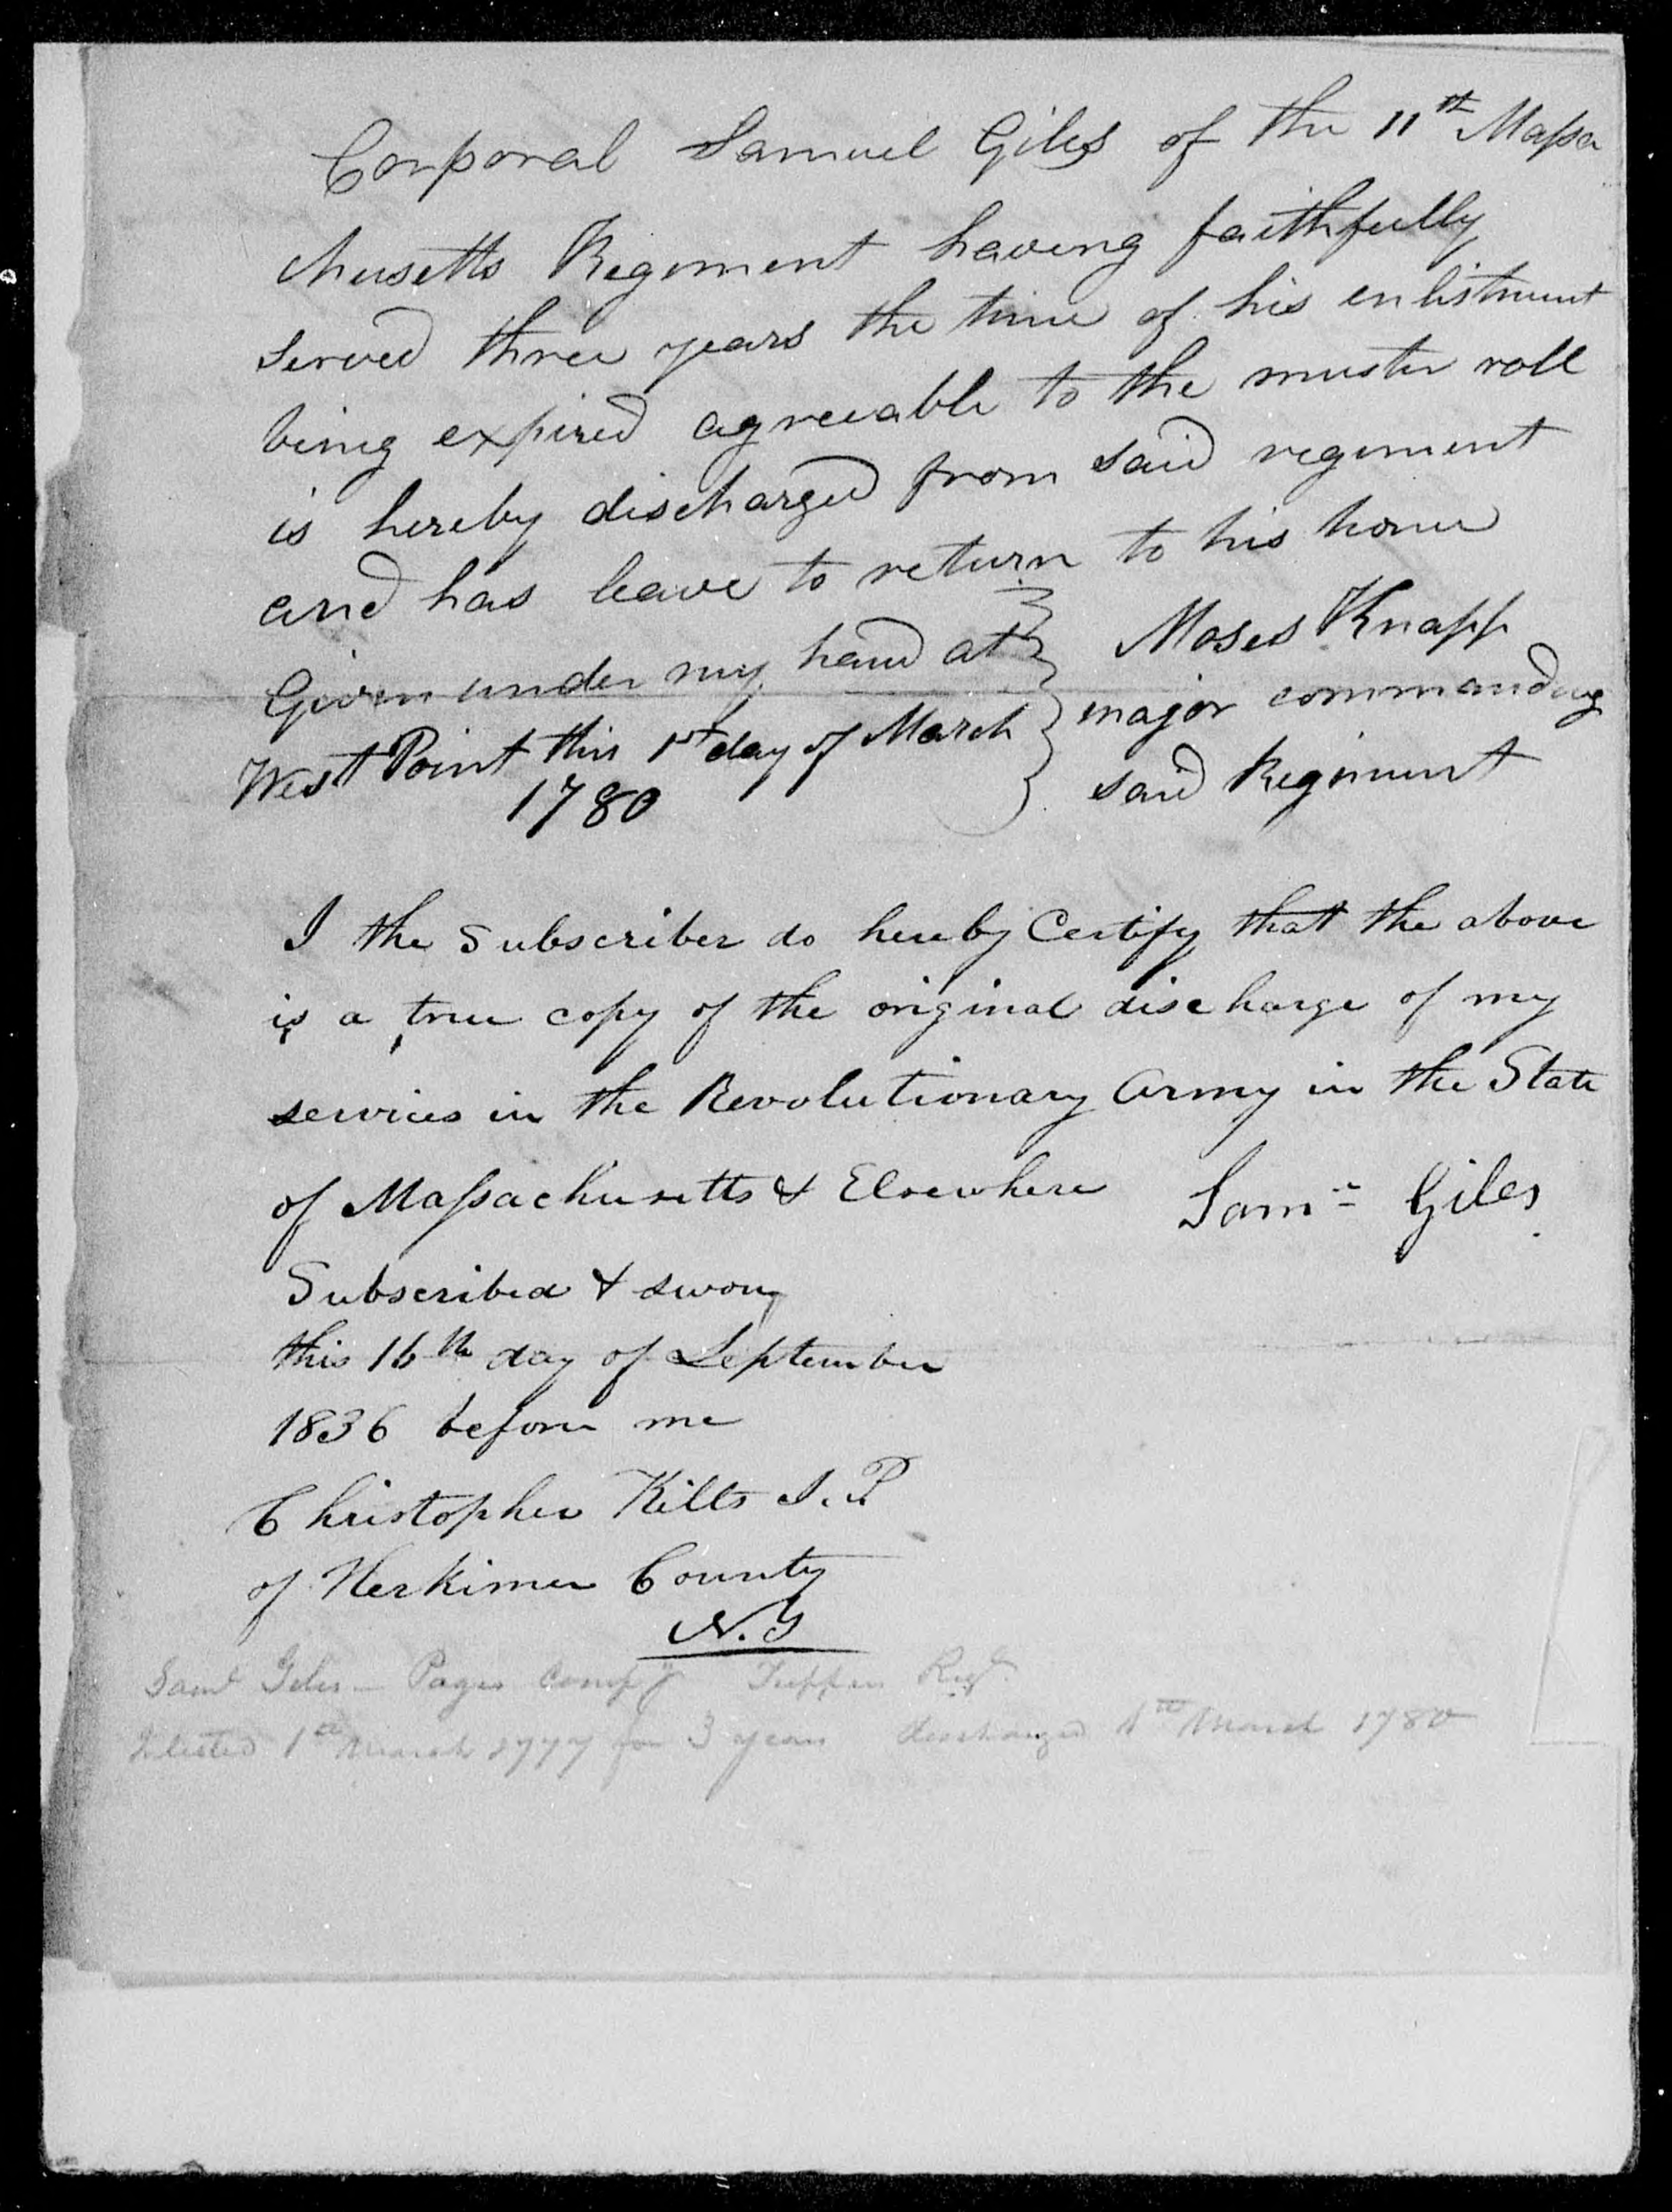[handwritten]
Corporal Samuel Giles of the 11th Massachusetts Regiment having faithfully served three years the time of his enlistment being expired agreeable to the muster roll is hereby discharged from said regiment and has leave to return to his home 
Given under my hand at West Point this 1st day of March 1780
Moses Knapp
major commanding
said Regiment
I the Subscriber do hereby Certify that the above is a true copy of the original discharge of my services in the Revolutionary Army in the State of Massachusetts & Elsewhere
Subscribed & sworn this 16th day of September 1836 before me
Christopher Kilts J.P.
of Herkimer County N. Y
Saml Giles - Pages Company [Illegible] Regt.
Enlisted 1st March 1777 for 3 years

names: Saml Giles, Moses Knapp, Christopher Kilts, Samuel Giles, Saml Giles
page: 37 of 55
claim: widow's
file: W. 19503, Samuel Giles, Conti. Mass. New York